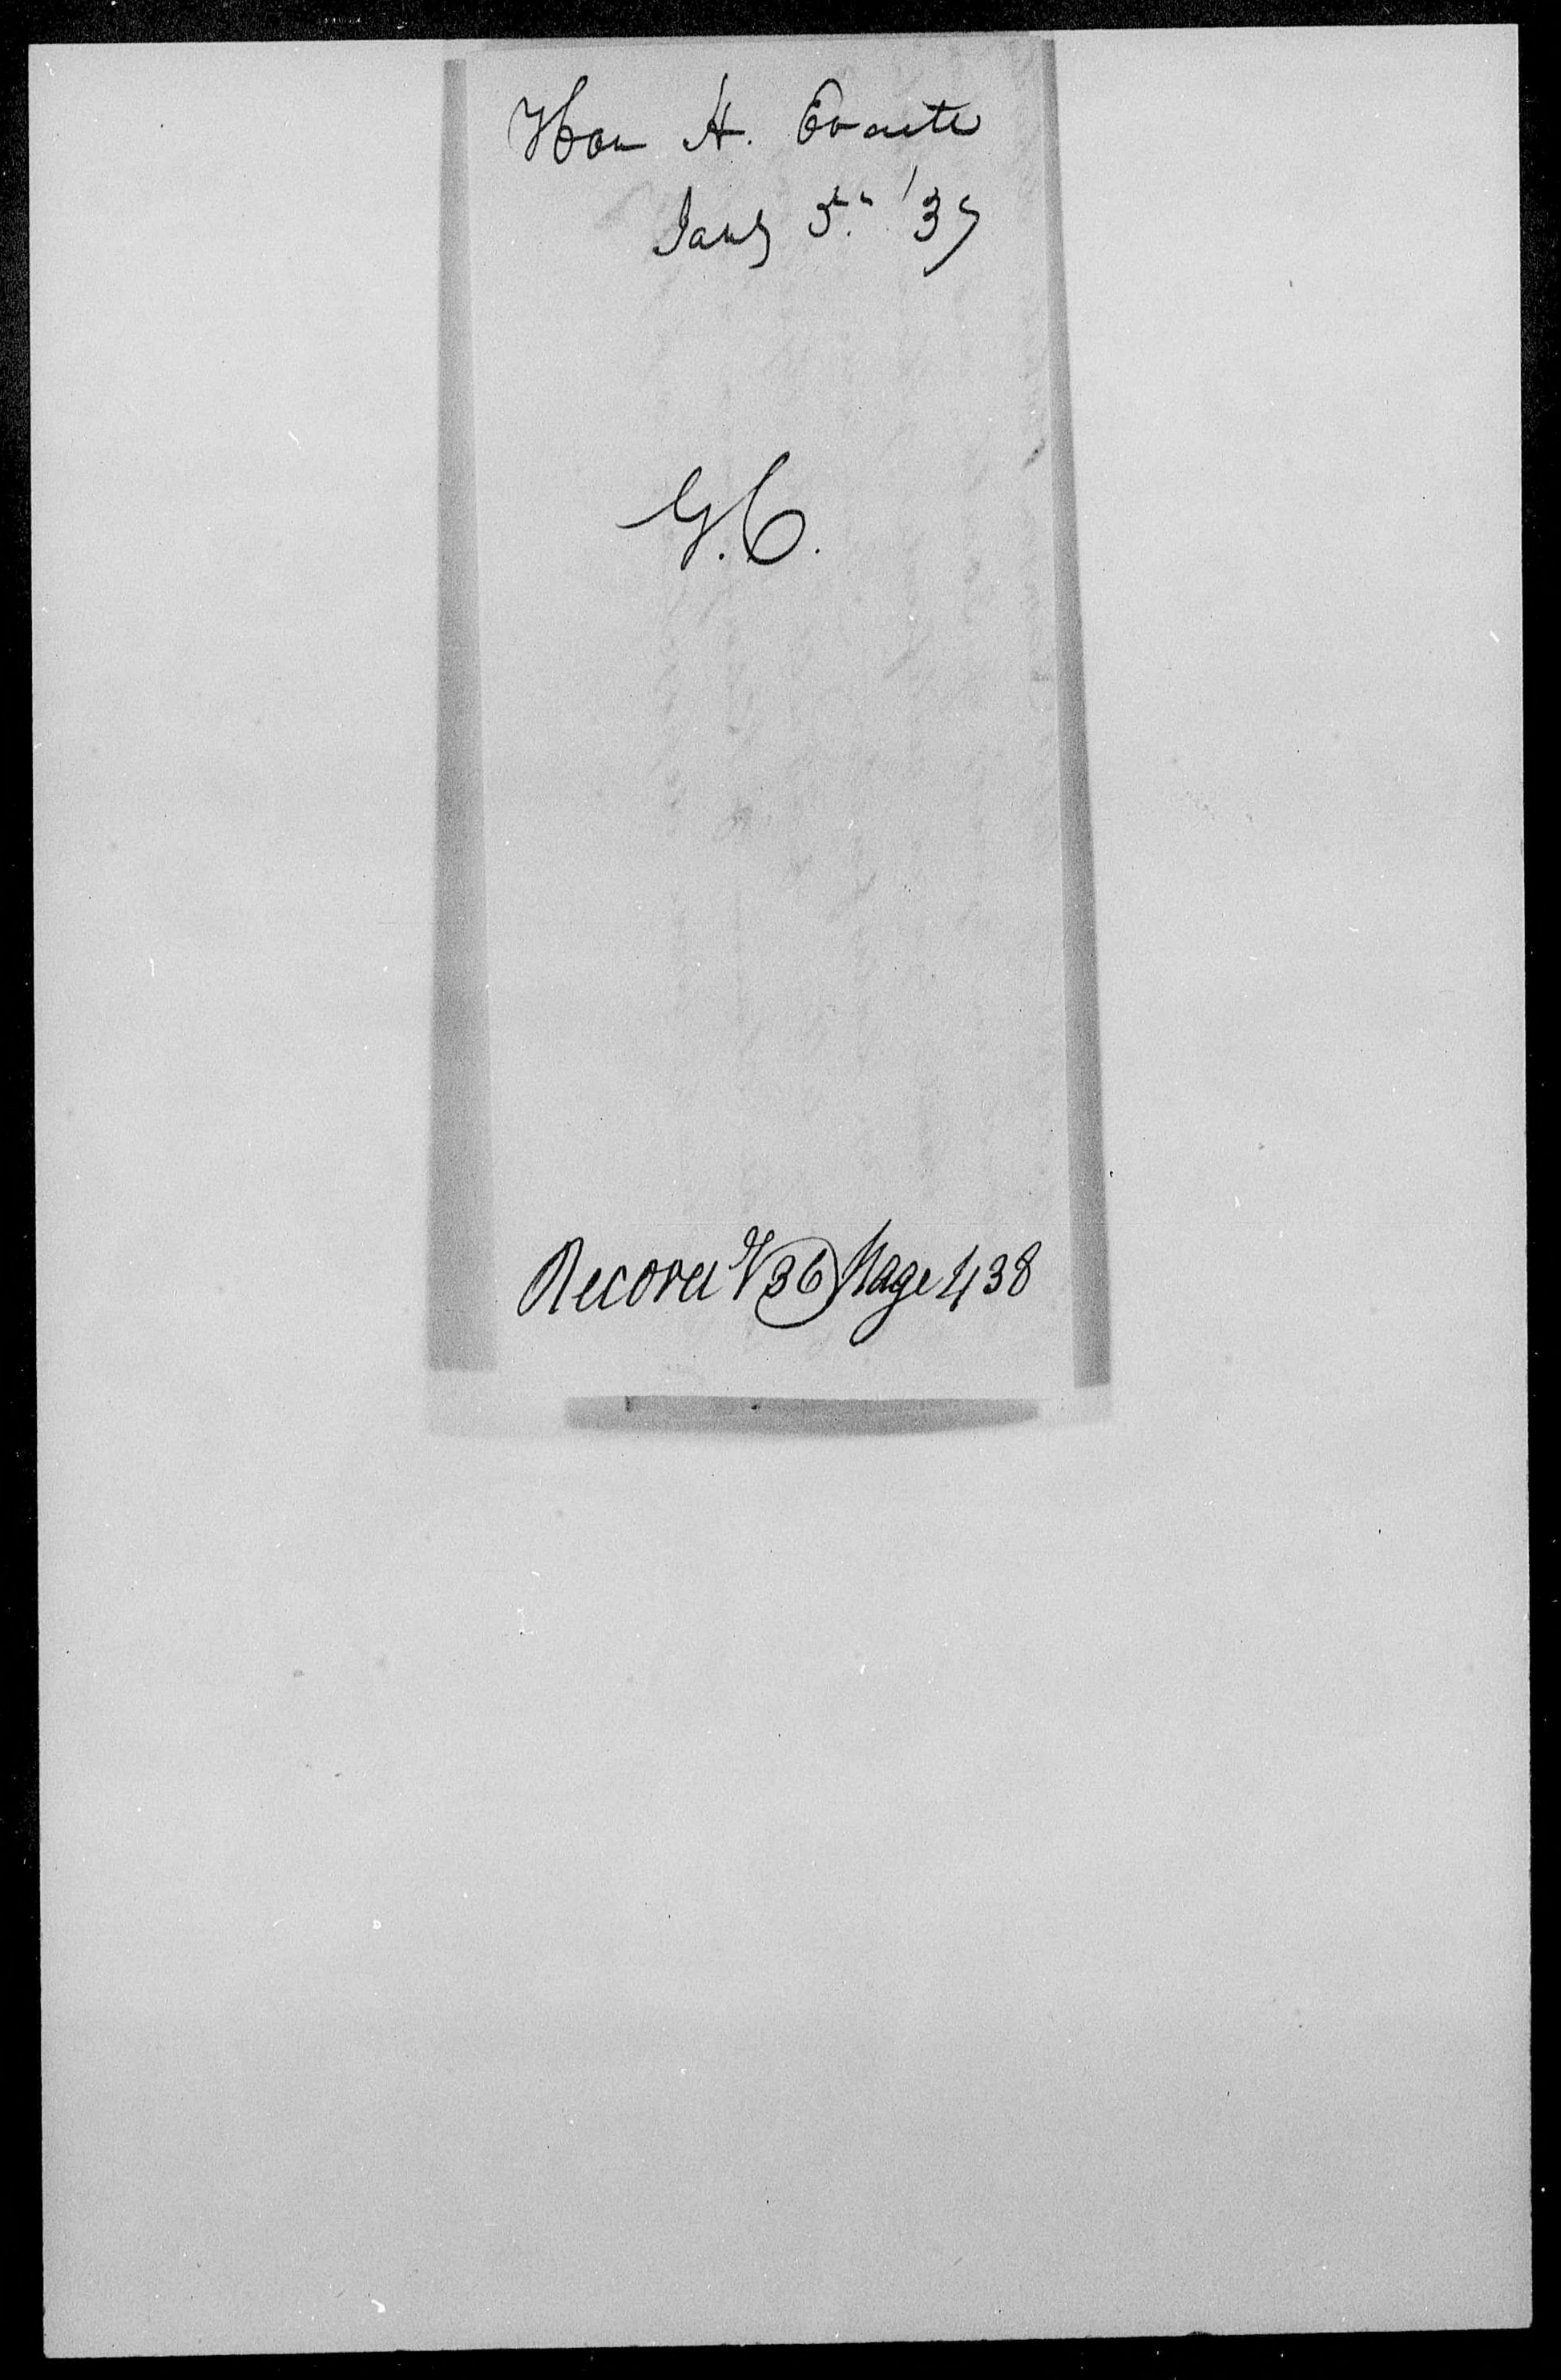Hon H Everett Jany 5th 39 GC Record # 36 page 438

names: H Everett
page: 23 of 42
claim: rejected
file: R. 2,625, Benjamin Dake, R.I.